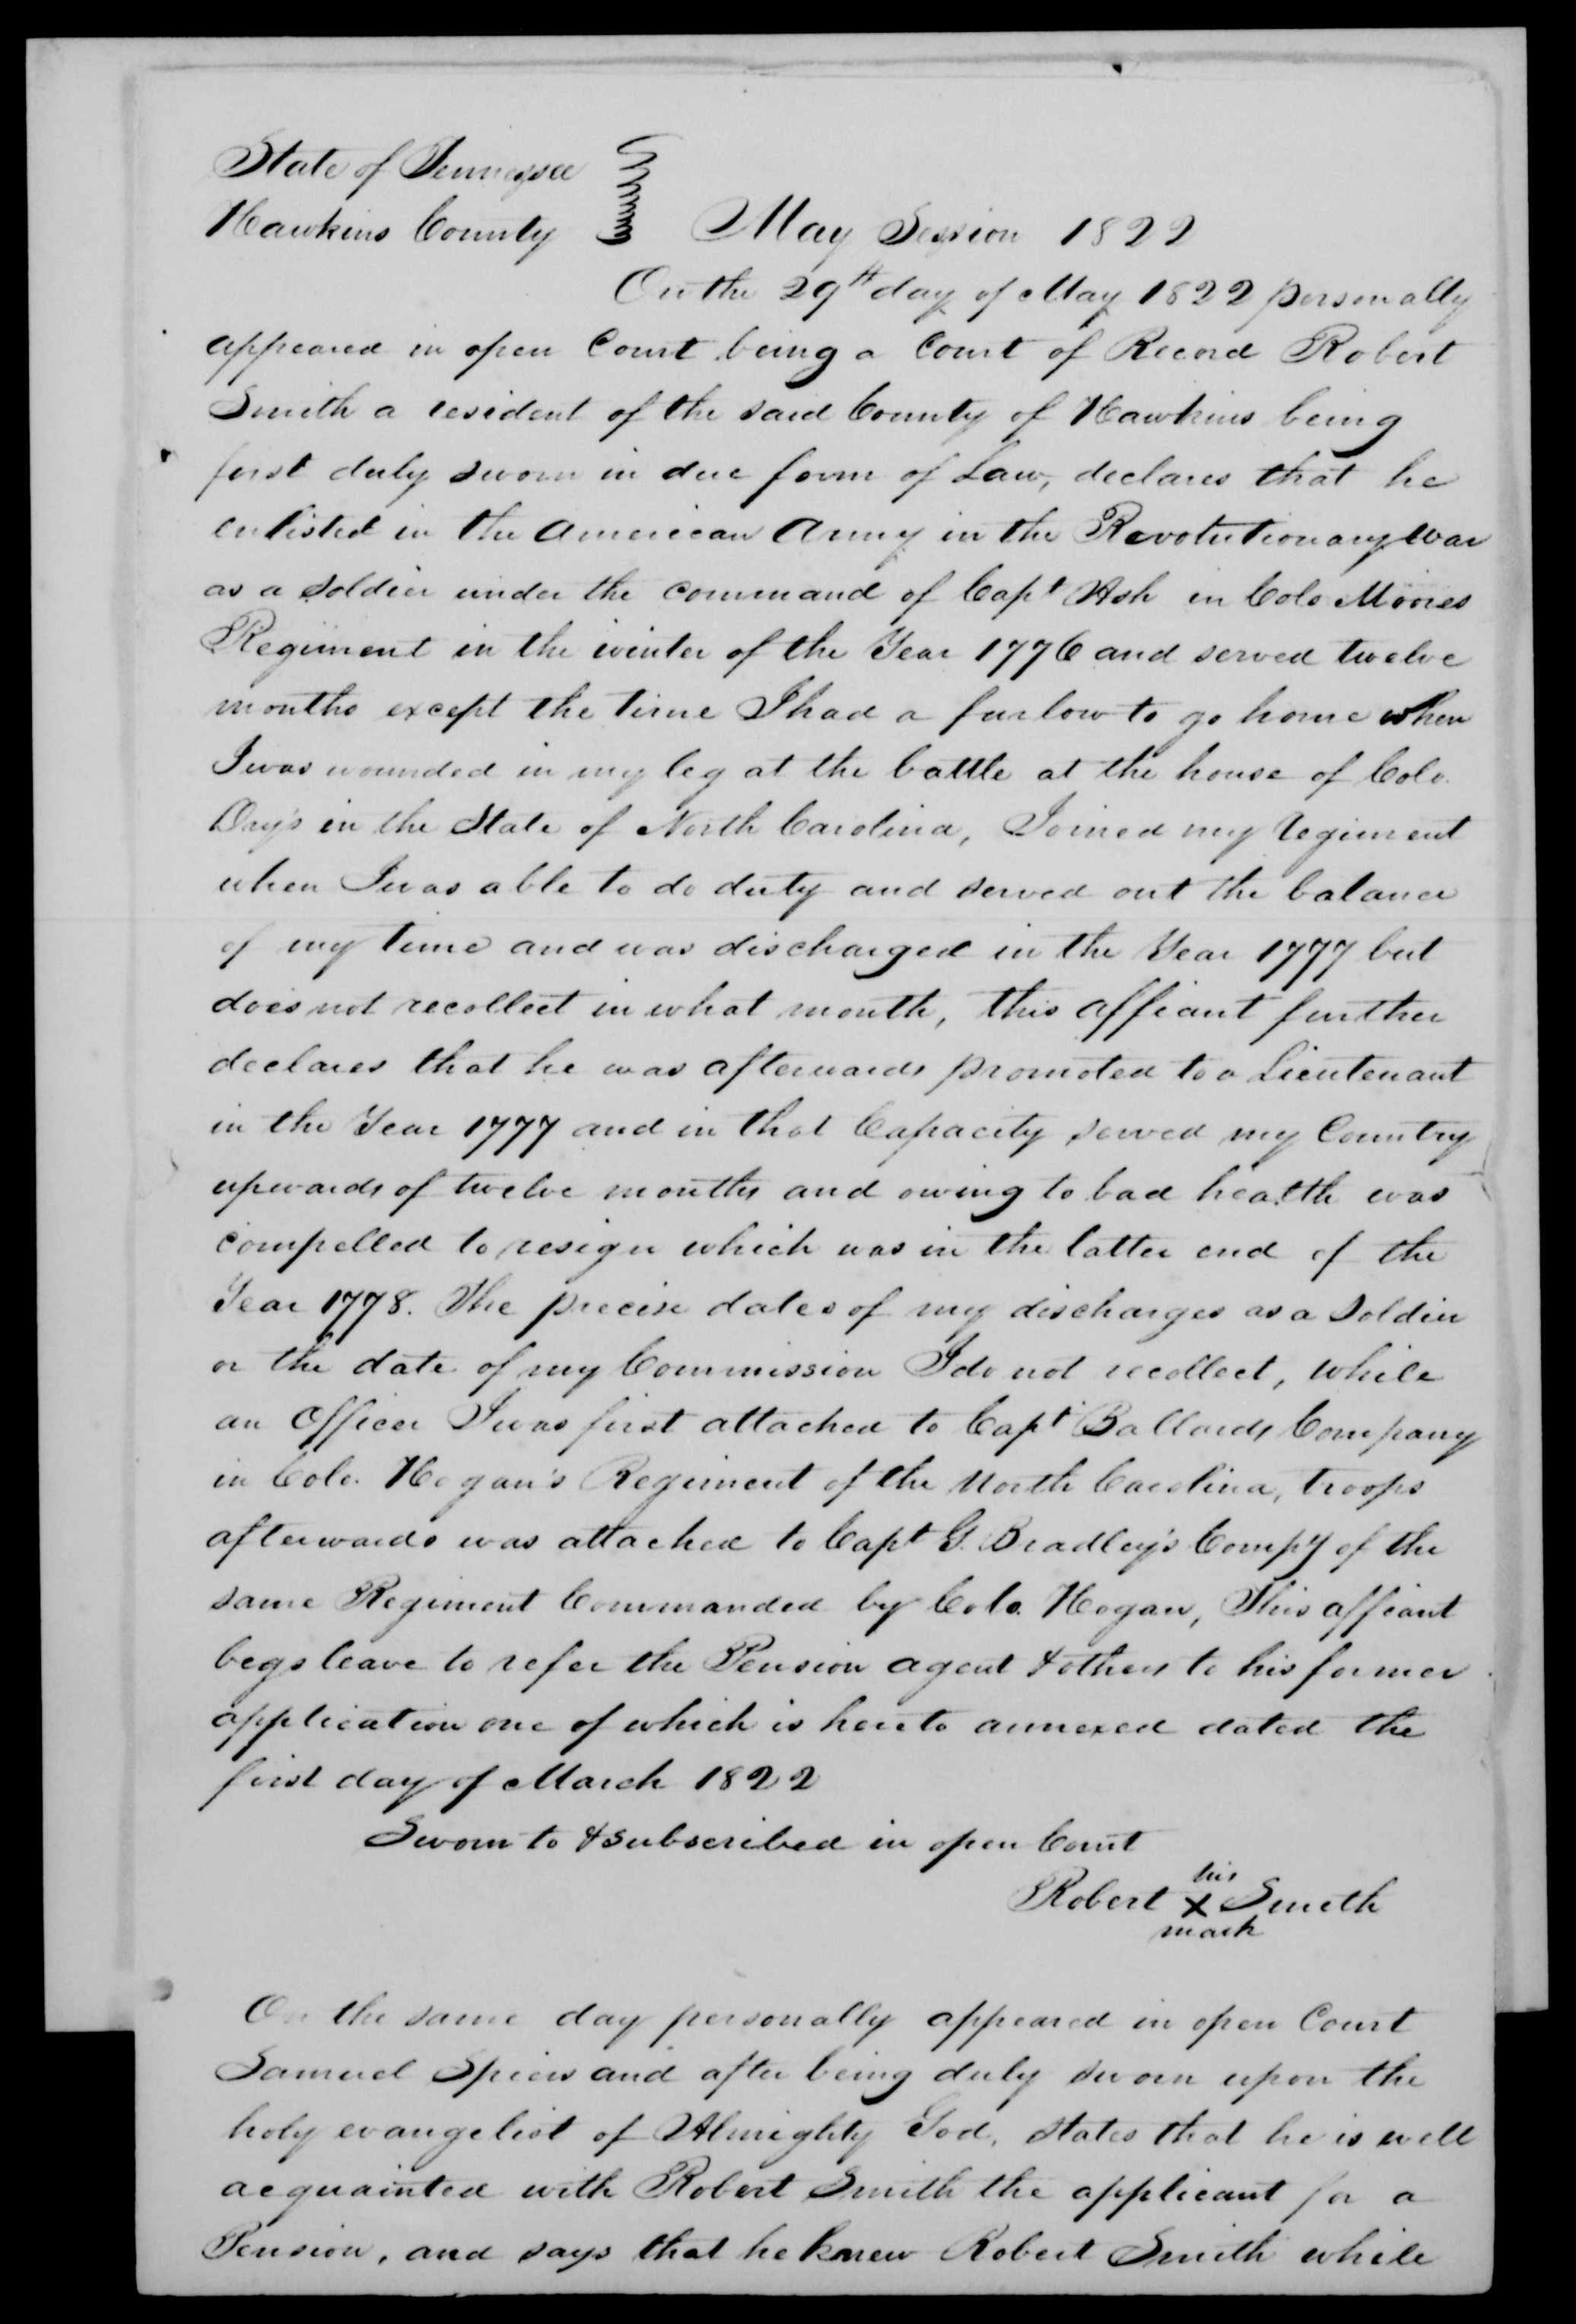State of Tennessee Hawkins County     May Session 1822
On the 29th day of May 1822 personally appeared in open Court being a Court of Record Robert
Smith a resident of the said County of Hawkins being first duly sworn in due form of Law, declares that he
enlisted in the American Army in the Revolutionary war as a soldier under the command of Capt Ash [John Ashe Jr] in Colo Moores [James Moore] Regiment in the winter of the year 1776 and served twelve
months except the time I had a furlow to go home when I was wounded in my leg at the battle at the house of Colo Days [Wm Dry III] in the State of North Carolina, joined my regiment
when I was able to do duty and served out the balance of my time and was discharged in the year 1777 but does not recollect in what month, this affiant further declares that he was afterwards promoted to a Lieutenant in the year 1777 and in that capacity served my country
upwards of twelve months and owing to bad health was compelled to resign which was in the latter end of the year 1778. The precise date of my discharges as a soldier or the date of my Commission I do not recollect, while an Officer I was first attached to Capt [Kedar] Ballards Company
in Colo. Hogan's [James Hogun] Regiment of the North Carolina troops afterwards was attached to Capt G. Bradley's Compy of the same
Regiment commanded by Colo Hogan, This affiant begs leave to refer the Pension agent & others to his former application one of which is hereto annexed dated the first day of March 1822
Sworn to & subscribed in open Court
Robert Smith his X mark

On the same day personally appeared in open Court Samuel Spiers and after being duly sworn upon the
holy evangelist of Almighty God, states that he is well
acquainted with Robert Smith the applicant for a
Pension, and says that he knew Robert Smith while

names: Robert Smith; Robert Smith; Robert Smith; [BLANK] Ash; [BLANK] Day; Samuel Spiers; [BLANK] Hogan; Robert Smith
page: 46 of 79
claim: widow's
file: W. 1504, for Robert Smith, North Carolina